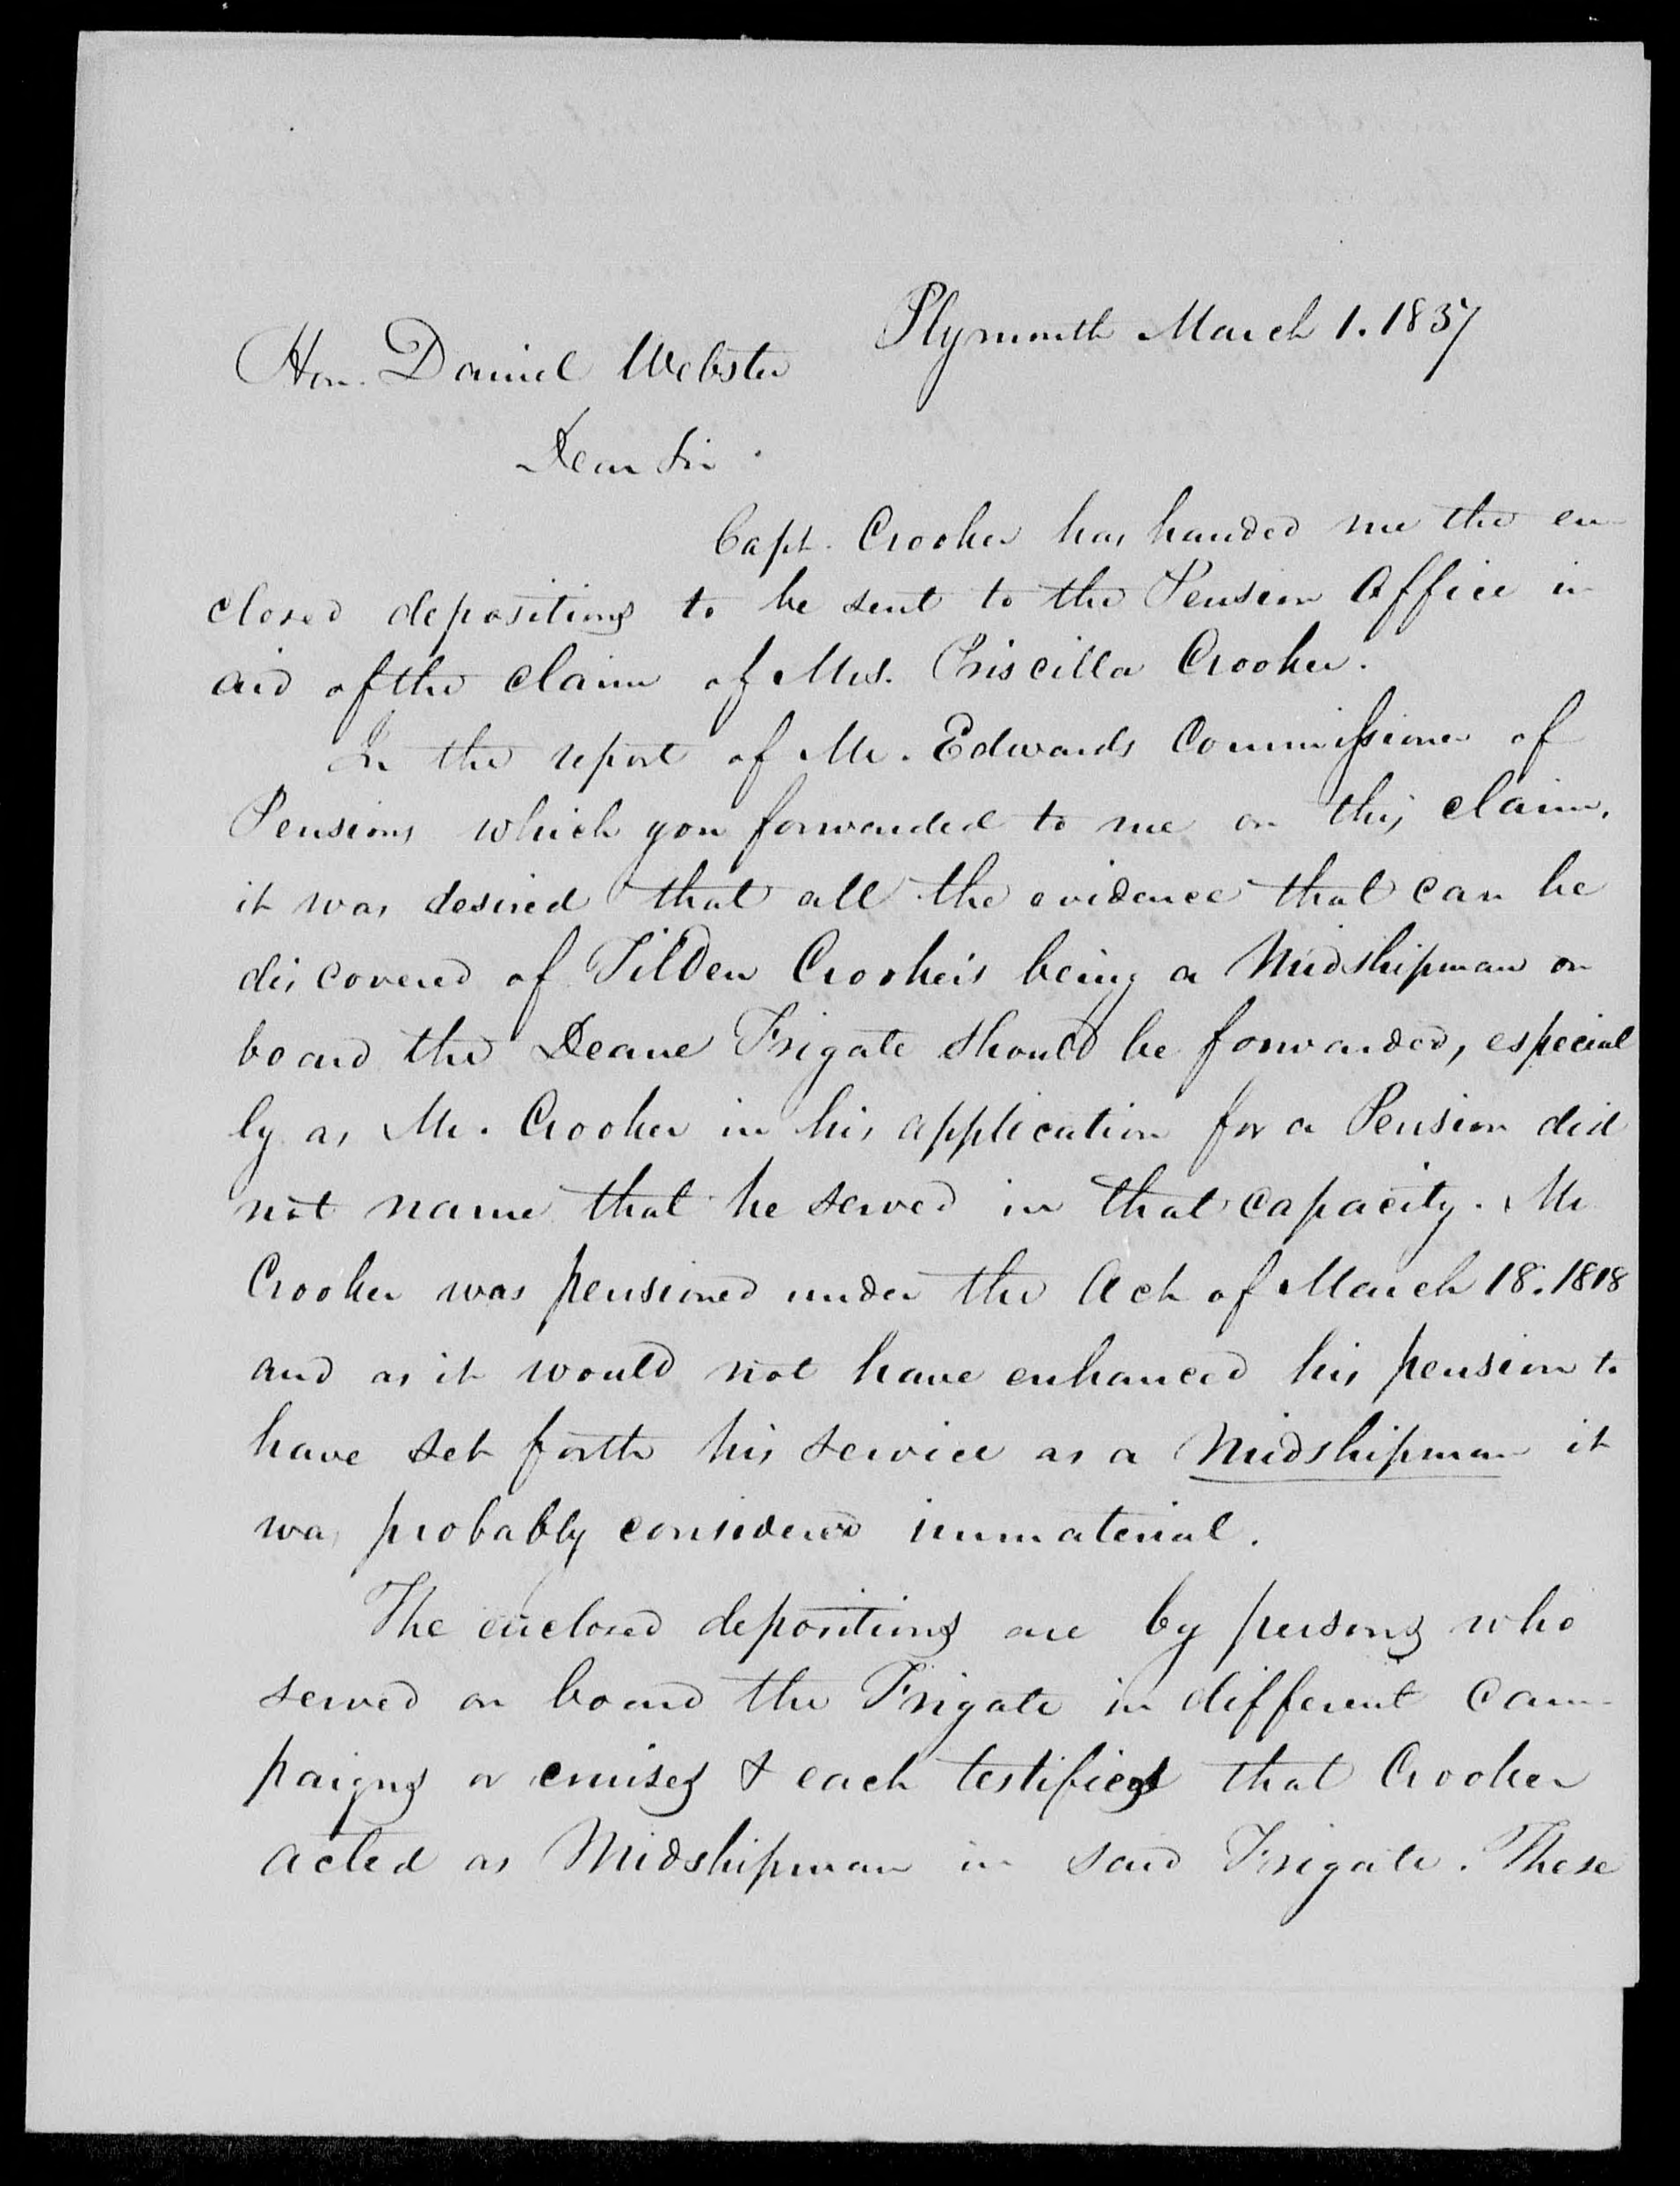Plymouth March, 1, 1837

Hon. Daniel Webster

Dear Sir:

Capt. Crooker has handed me the enclosed depositions to be sent to the Pension Office in and of the claim of Mrs. Priscilla Crooker.
In the report of Mr. Edwards Commissioner of Pensions which you forwarded to me, on this claim, it was desired that all the evidence that can be discovered of Tilden Crooker being a Midshipman on board the Deane Frigate should be forwarded, especially as Mr. Crooker in his application for a Pension did not name that he served in that capacity. Mr. Crooker was pensioned under the Act of March 18,1818 ad as it would not have enhanced his pension to have set forth his service as a Midshipman it was probably considered immaterial.  
The enclosed depositions are by persons who served on board the Frigate in different campaigns or cruises and each testified that Crooker acted as Midshipman in said Frigate.  These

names: Crooker, Deane, Priscilla Crooker, Edwards, Crooker, Crooker, Crooker, Daniel Webster, Tilden Crooker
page: 14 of 33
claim: widow's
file: W. 22862, Tilden Crooker, Mass Navy